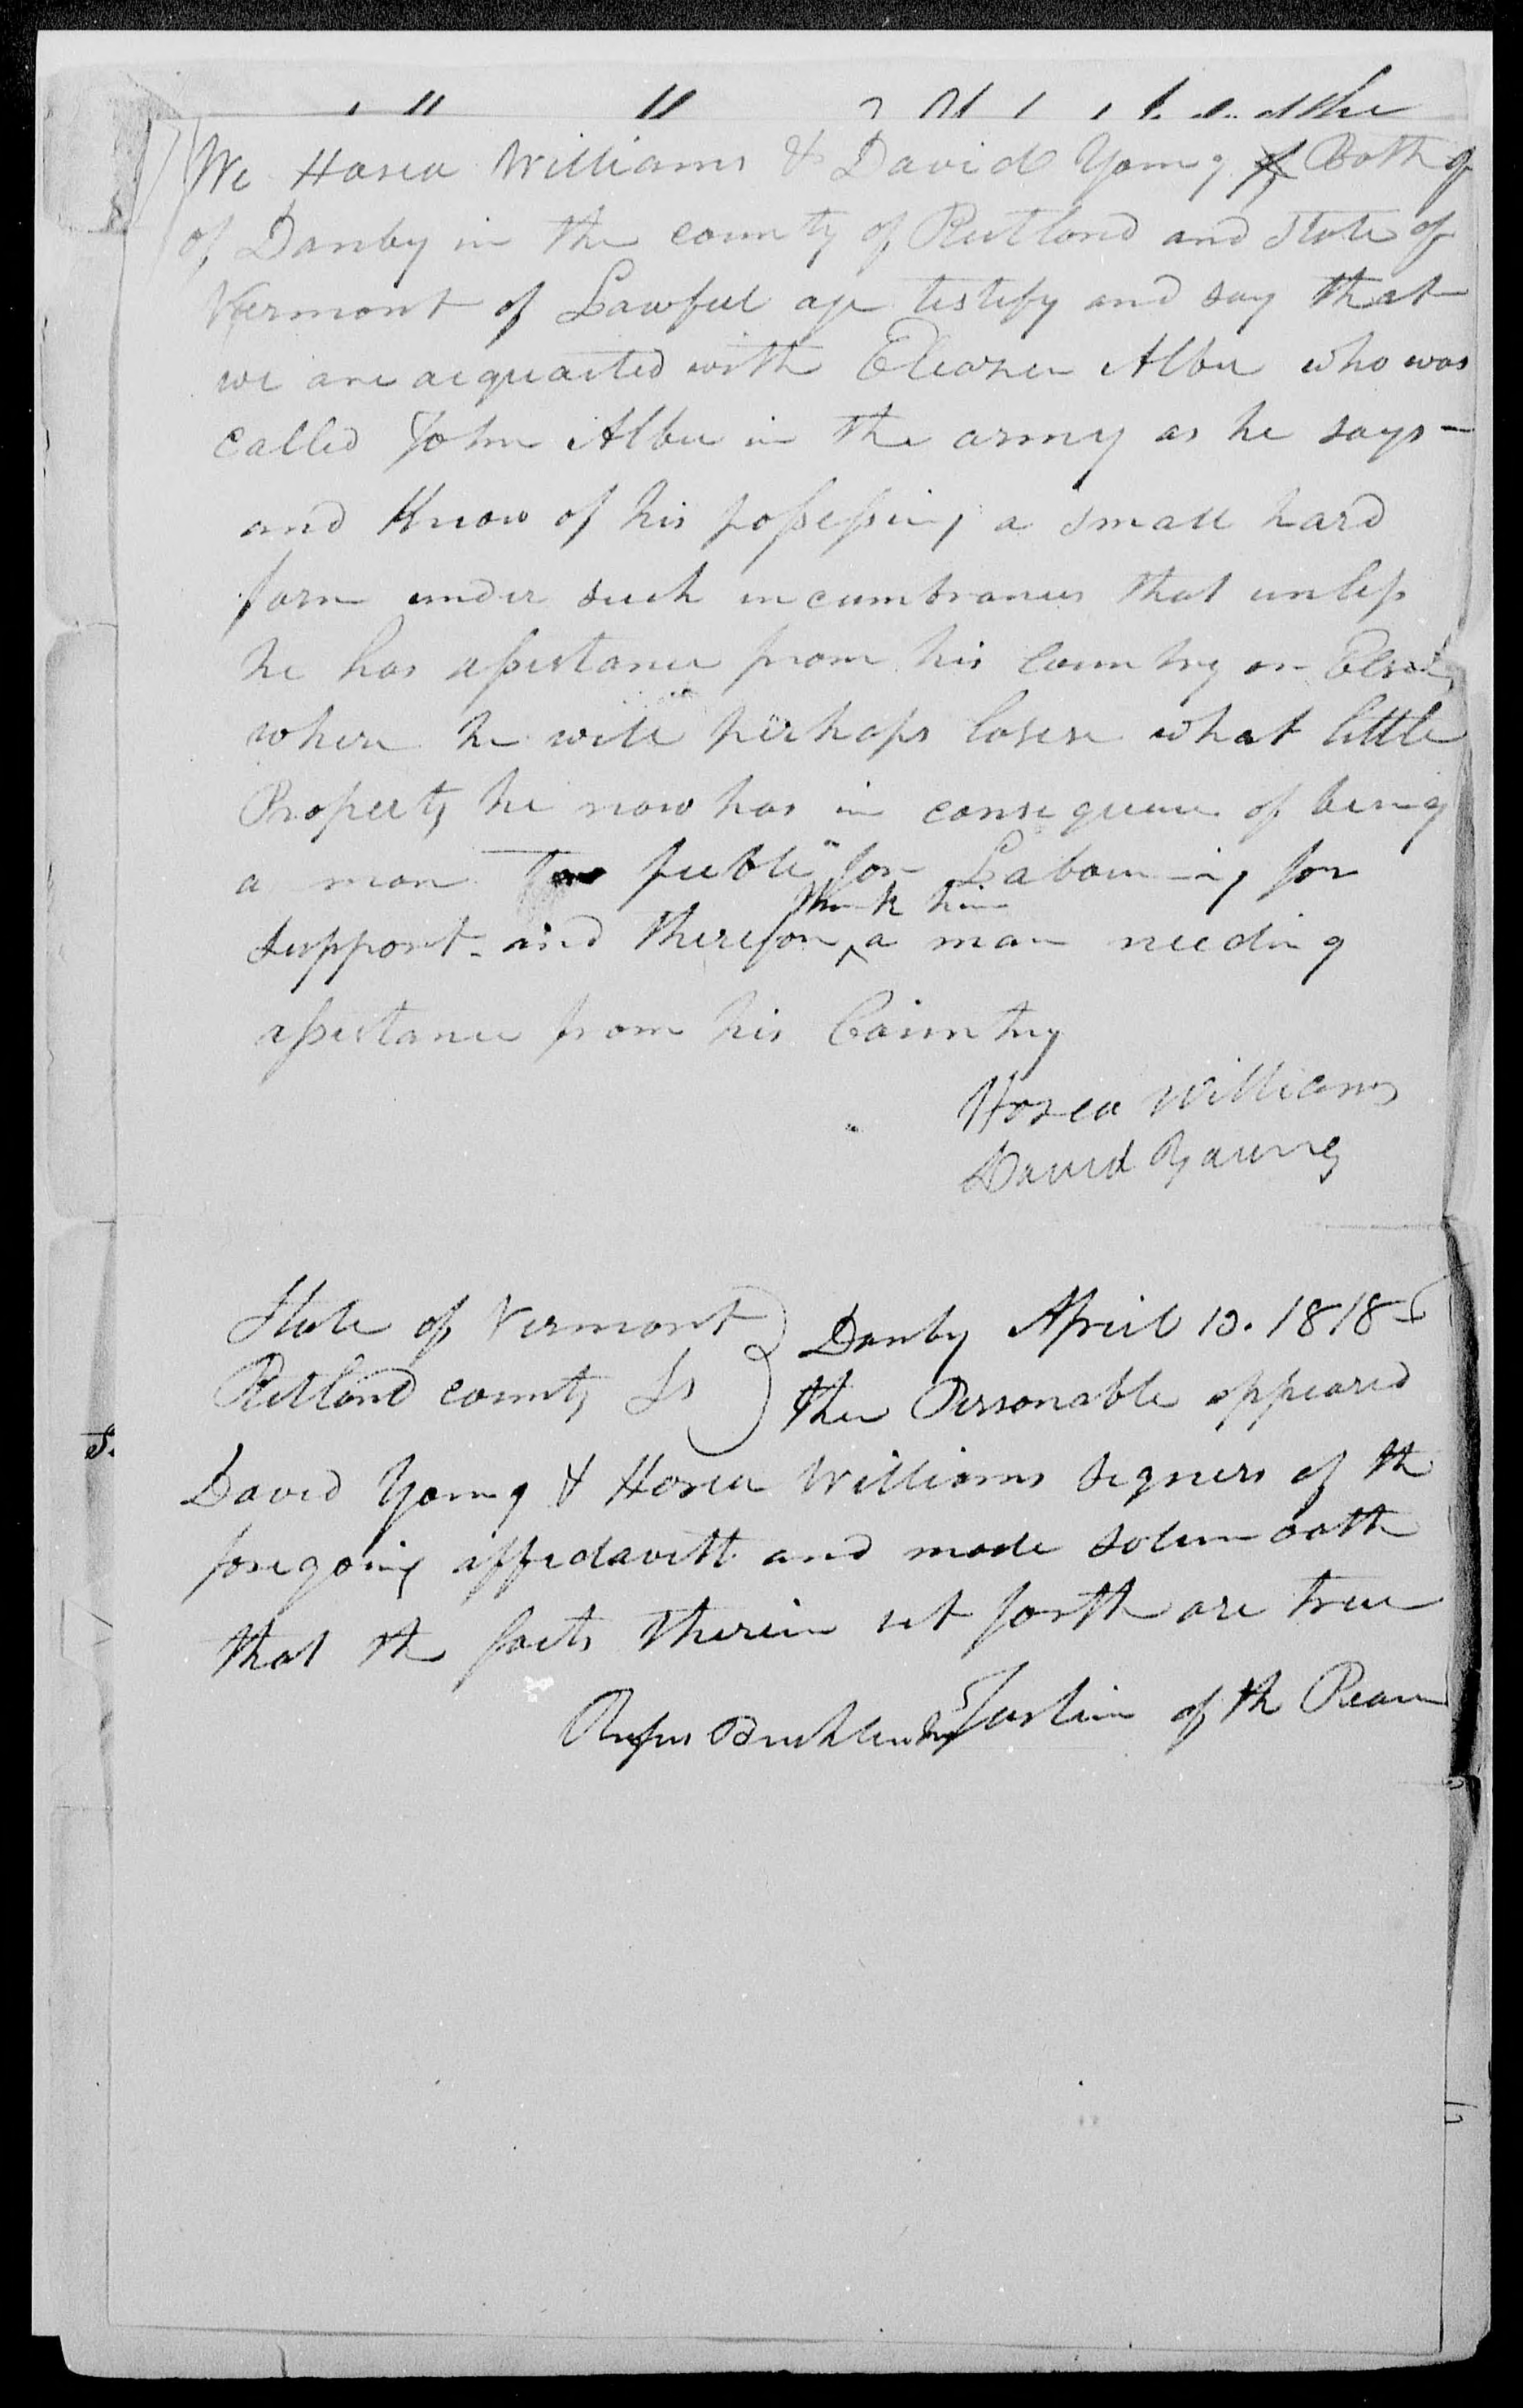Mr. Hosea Williams and David Young Both of Danby in the County of Rutland and State of Vermont of Lawful age testify and say that we are acquainted with Eleazer Albee who was called John Albee in the army as he says - and know of his possessing a small hard farm under such encumbrances that unless he has assistance from his country or else when he will perhaps lose what little property he now has in consequence of being a man too feeble for Labouring for support and therefore think him a man needing assistance from his country.

Hosea Williams
David Young


State of Vermont
Rutland County ss.

Danby April 13, 1818

Then personally appeared David Young and Hosea Williams signers of the foregoing affidavit and made solemn oath that the facts therein set forth are true


Rufus Buchlin 
Justice of the Peace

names: John Albee, David Young, Hosea Williams, Hosea Williams, David Young, Eleazer Albee, Rufus Buchlin, David Young, Hosea Williams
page: 17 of 29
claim: survivor's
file: S 41404, Eleazer John Albee, Mass. Privateer